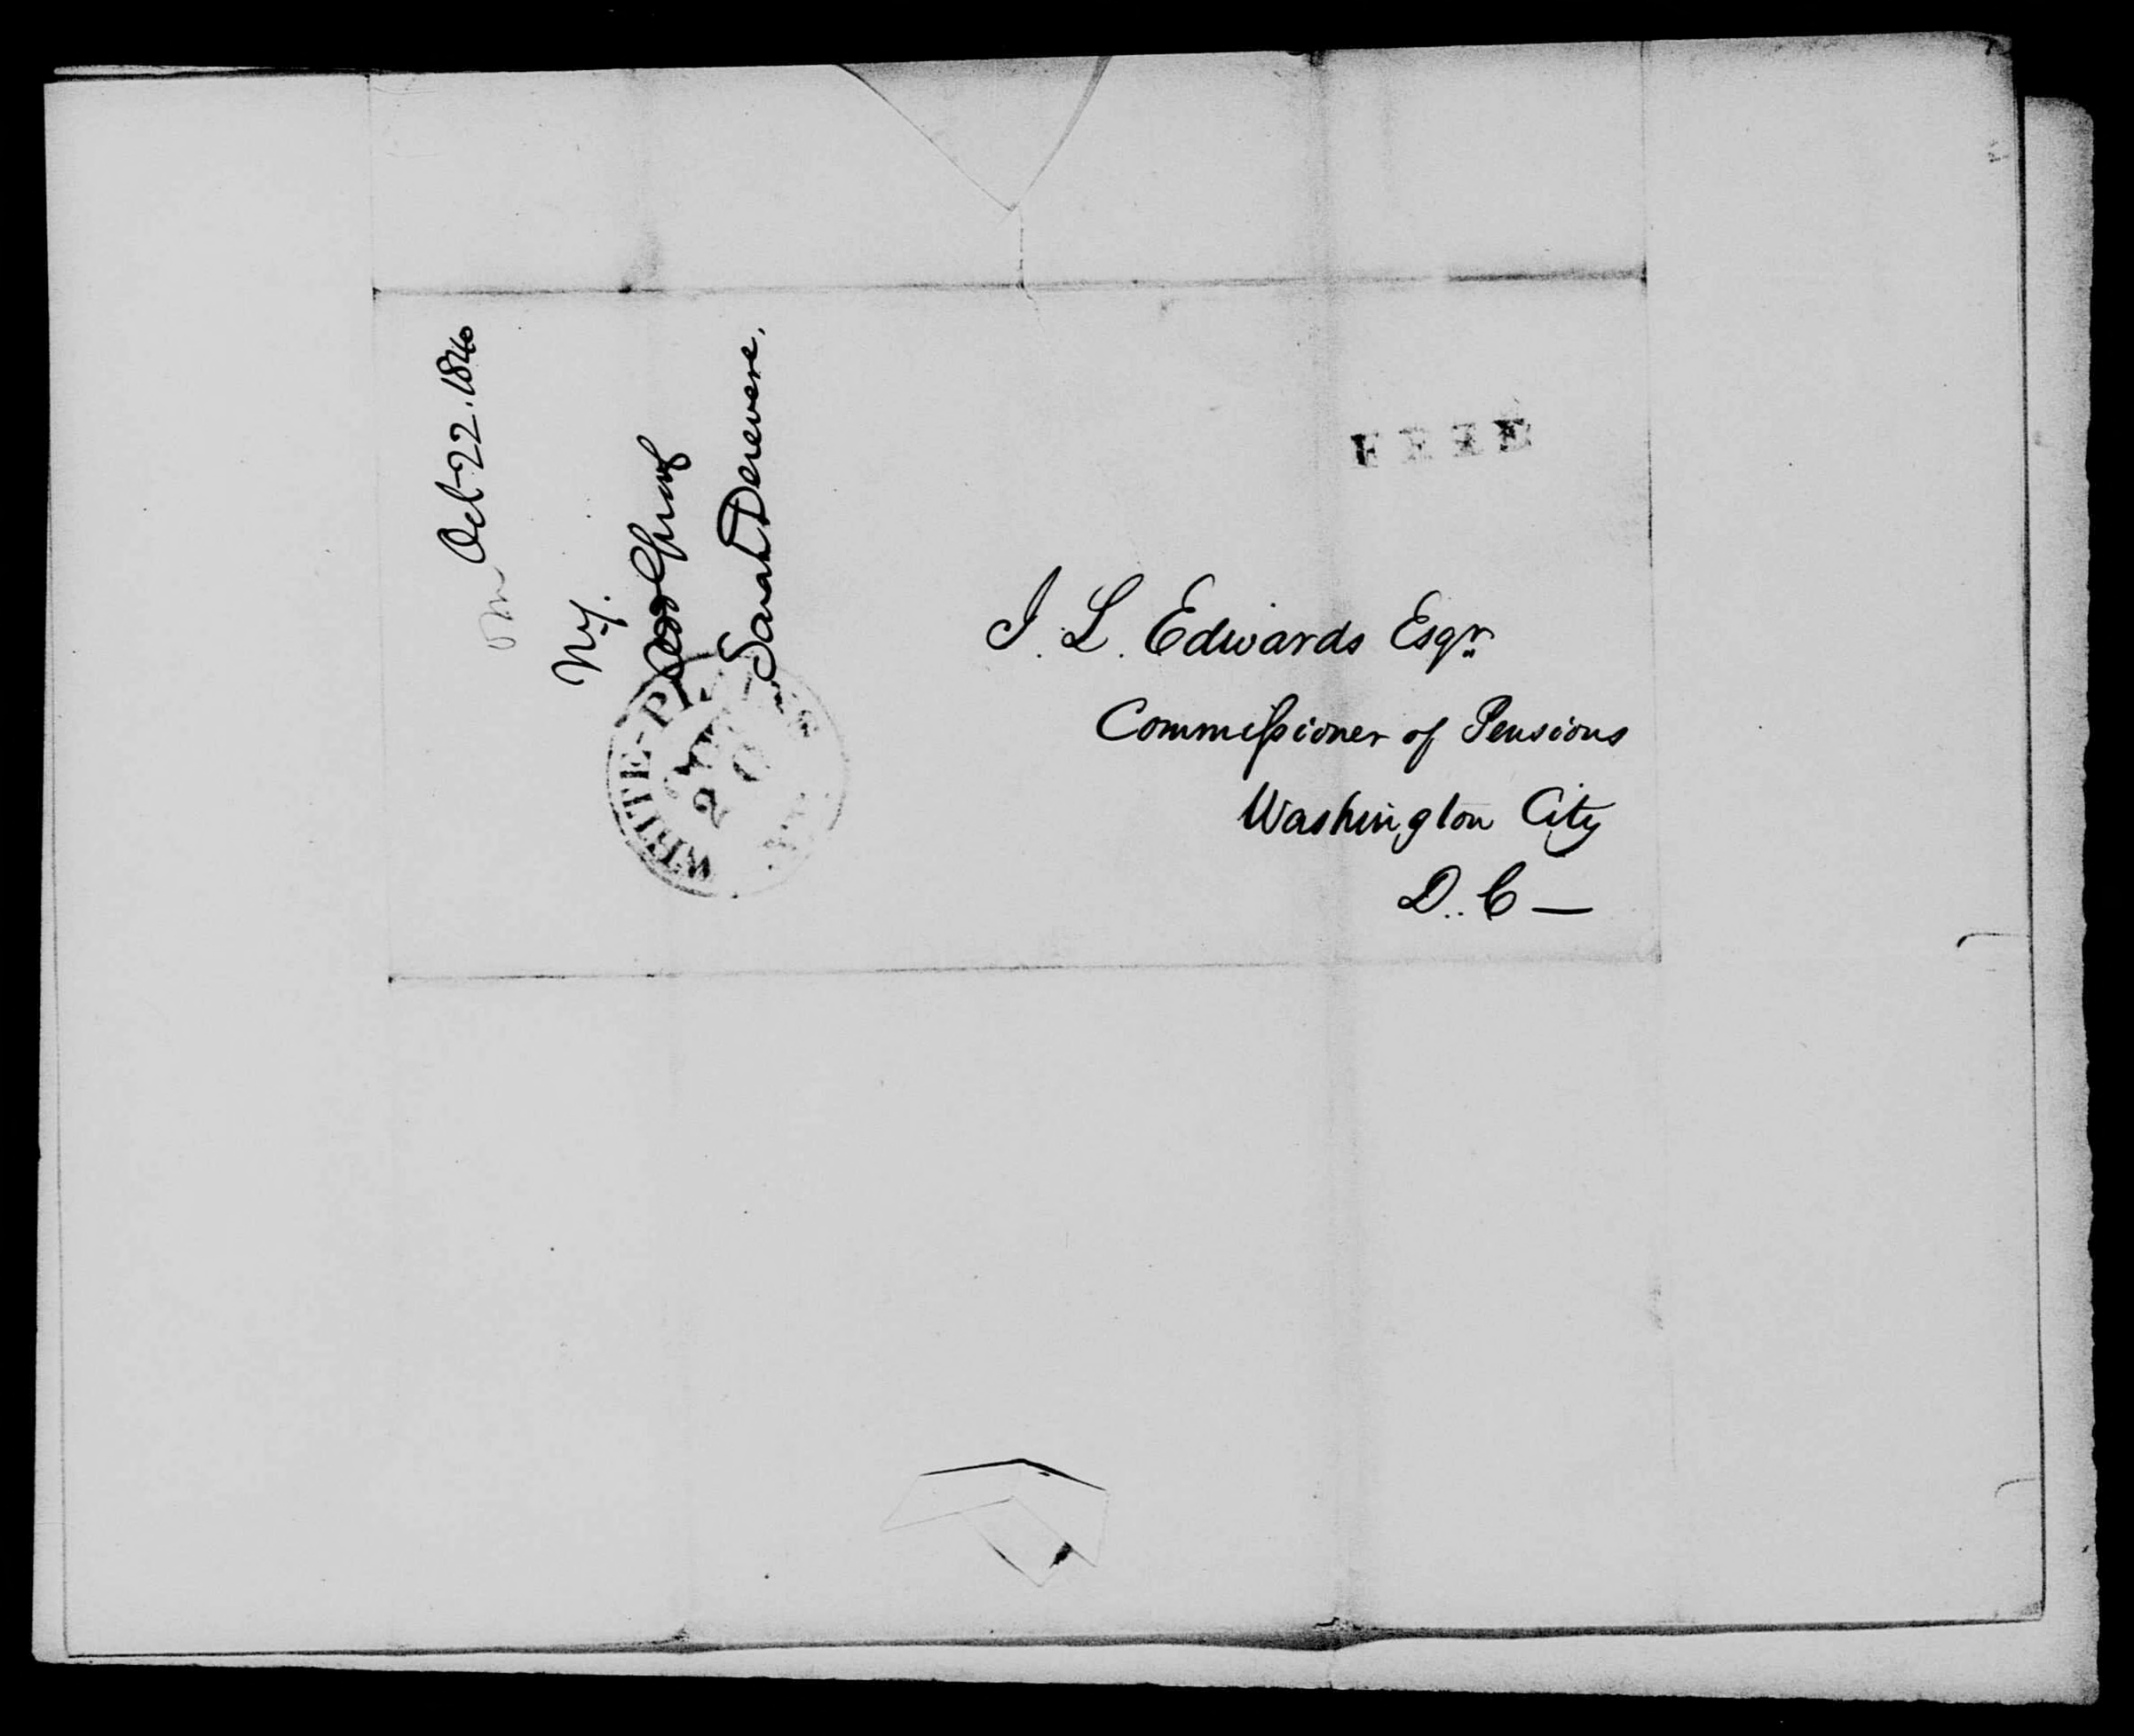Oct 22 1840
NY
[illegible]
Sarah Derevere
[post marked circle with "WHITE-PLAINS" around circle and "OCT 20" in center.  Illegible writing on bottom of circle]

FREE [stamped in upper right corner of envelope]
J. L. Edwards Esqr.
Commissioner of Pensions
Washington City
D.C -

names: J L Edwards, Sarah Derevere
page: 39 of 40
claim: widow's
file: W. 24057, Cornelius De Revere, New York